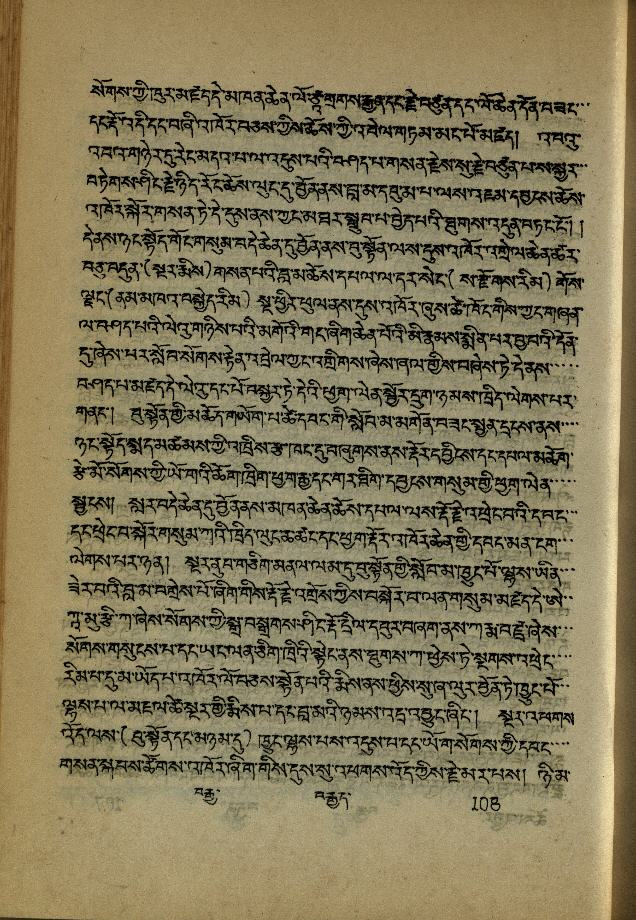སོགས་ཀྱི་ཁུར་མཛད་དེ་མཁན་ཆེན་ལོ་ཙཱ་གྲགས་རྒྱན་དང་རྗེ་བཙུན་དང་ལོ་ཆེན་དོན་བཟང་
དང་རྡོ་འདི་དང་བཞི་འཁོར་བཅས་ཀྱིས་ཆོས་ཀྱི་འབྲེལ་གཏམ་མང་པོ་མཛད། འ་བའུ་
འབའ་གཉེར་དུ་རེང་མདའ་པ་ལ་འདུས་པའི་བཤད་པ་གསན་རྗེས་སུ་རྗེ་བཙུན་པས་སྐྱར་
བཏེགས་ཤིང་རྗེ་ཉིད་རོང་ཆོས་ལུང་དུ་བྱོན་ནས་བླ་མ་དབུ་མ་པ་ལས་འཇམ་དབྱངས་ཆོས་
འཁོར་སྐོར་གསན་ཏེ་དེ་དུས་ནས་ཀྱང་མཐར་སྒྲུབ་པ་བྱེད་པའི་ཐུགས་འདུན་བཏང་ངོ། །
དེ་ནས་ཉང་སྟོད་གོང་གསུམ་བདེ་ཆེན་དུ་བྱོན་ནས་བུ་སྟོན་ལས་དུས་འཁོར་འགྲེལ་ཆེན་ཚར་
བཅུ་བདུན་སྔར་རྨིས་གསན་པའི་བླ་མ་ཆོས་དཔལ་ལ་དར་སེང་ས་རྫོགས་རིམ་གོས་
ལྗང་ནམ་མཁའ་བསྐྱེད་རིམ་སྔ་ཕྱིར་ཕུལ་ནས་དུས་འཁོར་ཞུས་ཚེ་ཁོང་གིས་ཀྱང་གཞན་
ལ་བཤད་པའི་ལེའུ་གཉིས་པའི་མགོའི་གང་ཞིག་ཆེན་པོའི་མི་རྣམས་སྨིན་པར་བྱ་བའི་དོན་
དུ་ཞེས་པར་སློབ་སོགས་རྟེན་འབྲེལ་ཀྱང་འགྲིགས་ཞེས་ཞལ་གྱིས་བཞེས་ཏེ་དེ་ནས་
བཤད་པ་མཛད་དེ་ལེའུ་དང་པོ་བསྐྱར་ཏེ་དེའི་ཕྱག་ལེན་སྦྱོར་དྲུག་ཉམས་ཁྲིད་ལེགས་པར་
གནང་། བུ་སྟོན་གྱི་མཆོད་གཡོག་པ་ཚེ་དབང་གི་སློབ་མ་མགོན་བཟང་སྤྱན་དྲངས་ནས་
ཉང་སྟོད་སྨད་མཚམས་ཀྱི་འཁྲིས་རྩ་ཁང་དུ་བཞུགས་ནས་རྡོར་དབྱིངས་དང་དཔལ་མཆོག་
རྩེ་མོ་སོགས་ཀྱི་ཡོ་གའི་ཆོག་ཁྲིག་ཕྱག་རྒྱ་དང་གར་ཐིག་དབྱངས་གསུམ་གྱི་ཕྱག་ལེན་
སྦྱངས། སླར་བདེ་ཆེན་དུ་བྱོན་ནས་མཁན་ཆེན་ཆོས་དཔལ་ལས་རྡོ་རྗེ་འཕྲེང་བའི་དབང་
དང་ཕྲེང་བ་སྐོར་གསུམ་ཀའི་ཁྲིད་ལུང་ཆ་ཚང་དང་ཕྱག་རྡོར་འཁོར་ཆེན་གྱི་དབང་མན་ངག་
ལེགས་པར་ཉན། སྔར་ནུབ་གཅིག་མནལ་ལམ་དུ་བུ་སྟོན་གྱི་སློབ་མ་ཁྱུང་པོ་ལྷས་ཡིན་
ཟེར་བའི་བླ་མ་བགྲེས་པོ་ཞིག་གིས་རྡོ་རྗེ་འགྲོས་ཀྱིས་བསྐོར་བ་ལན་གསུམ་མཛད་དེ་ཨེ་
ཀཱ་མུ་རྩི་ཀ་ཞེས་སོགས་ཀྱི་སྒྲ་བསྒྲགས་ཤིང་རྡོ་དྲིལ་དབུར་བཞག་ནས་ཀརྨ་བཛྲ་ཞེས་
སོགས་གསུངས་པ་དང་ཡང་ལན་ཅིག་ཁྲིའི་སྟེང་ནས་ཐུགས་ཀ་ཕྱེས་ཏེ་སྔགས་འཕྲེང་
རིམ་པ་དུ་མ་ཡོད་པ་འཁོར་ལོ་བཅས་སྟོན་པའི་རྨིས་ནས་ཕྱིས་སུ་ཞ་ལུར་བྱོན་ཏེ་ཁྱུང་པོ་
ལྷས་པ་ལ་མཇལ་ཚེ་སྔར་གྱི་རྨིས་པ་དང་བླ་མའི་ཉམས་འདྲ་འབྱུང་ཞིང་། སྔར་འཕགས་
འོད་ལས་བུ་སྟོན་དང་མཉམ་དུ་ཁྱུང་ལྷས་པས་འདུས་པ་དང་ཡོ་ག་སོགས་ཀྱི་དབང་
གསན་སྐབས་ཚོགས་འཁོར་ཞིག་གིས་དུས་སུ་འཕགས་འོད་ཀྱིས་རྗེ་མར་པས། ཉི་མ་